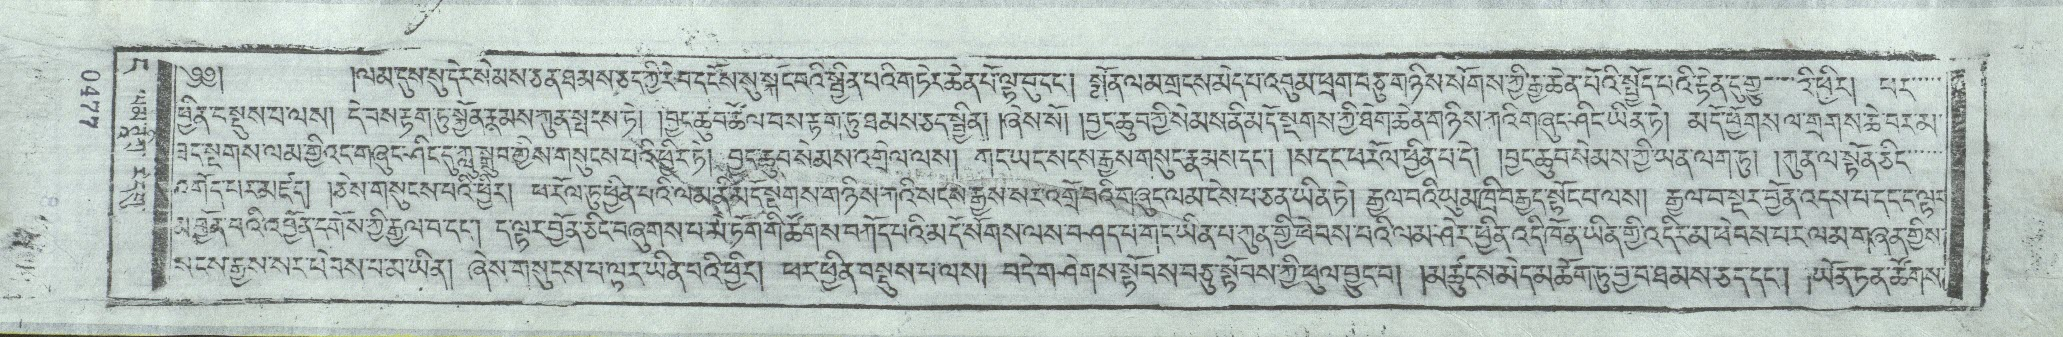༄༅། །ལམ་དུས་སུ་དེར་སེམས་ཅན་ཐམས་ཅད་ཀྱི་རེ་བ་དངོས་སུ་སྐོང་བའི་སྦྱིན་པའི་གཏེར་ཆེན་པོ་ལྟ་བུ་དང་། སྨོན་ལམ་གྲངས་མེད་པ་འབུམ་ཕྲག་བཅུ་གཉིས་སོགས་ཀྱི་རྒྱ་ཆེན་པོའི་སྤྱོད་པའི་རྟེན་དུ་གྱུར་པའི་ཕྱིར། ཕར་
ཕྱིན་བསྡུས་པ་ལས། དེ་བས་རྟག་ཏུ་སྐྱོན་རྣམས་ཀུན་སྤངས་ཏེ། །བྱང་ཆུབ་ཚོལ་བས་རྟག་ཏུ་ཐམས་ཅད་སྦྱིན། །ཞེས་སོ། །བྱང་ཆུབ་ཀྱི་སེམས་ནི་མདོ་སྔགས་ཀྱི་ཐེག་ཆེན་གཉིས་ཀའི་གཞུང་ཤིང་ཡིན་ཏེ། མདོ་ཕྱོགས་ལ་གྲགས་ཆེ་བར་མ་
ཟད་སྔགས་ལམ་གྱིའང་གཞུང་ཤིང་དུ་ཀླུ་སྒྲུབ་གྱིས་གསུངས་པའི་ཕྱིར་ཏེ། བྱང་ཆུབ་སེམས་འགྲེལ་ལས། གང་ཡང་སངས་རྒྱས་གསུང་རྣམས་དང་། །ས་དང་ཕ་རོལ་ཕྱིན་པ་དེ། །བྱང་ཆུབ་སེམས་ཀྱི་ཡན་ལག་ཏུ། །ཀུན་ལ་སྟོན་ཅིང་
འགོད་པར་མཛད། །ཅེས་གསུངས་པའི་ཕྱིར། ཕ་རོལ་ཏུ་ཕྱིན་པའི་ལམ་ནི་མདོ་སྔགས་གཉིས་ཀའི་སངས་རྒྱས་སར་འགྲོ་བའི་གཞུང་ལམ་ངེས་པ་ཅན་ཡིན་ཏེ། རྒྱལ་བའི་ཡུམ་ཁྲི་བརྒྱད་སྟོང་པ་ལས། རྒྱལ་བ་སྔར་བྱོན་འདས་པ་དང་ད་ལྟར་
མ་བྱོན་པའི་འབྱོན་དགོས་ཀྱི་རྒྱལ་བ་དང་། ད་ལྟར་བྱོན་ཅིང་བཞུགས་པ་མེ་ཏོག་གི་ཚོགས་བཀོད་པའི་མདོ་སོགས་ལས་བཤད་པ་གང་ཡིན་པ་ཀུན་གྱི་ཕེབས་པའི་ལམ་ཤེར་ཕྱིན་འདི་ཁོ་ན་ཡིན་གྱི་འདིར་མ་ཕེབས་པར་ལམ་གཞན་གྱིས་
སངས་རྒྱས་སར་ཕེབས་པ་མ་ཡིན། ཞེས་གསུངས་པ་ལྟར་ཡིན་པའི་ཕྱིར། ཕར་ཕྱིན་བསྡུས་པ་ལས། བདེ་གཤེགས་སྟོབས་བཅུ་སྟོབས་ཀྱི་ཕུལ་བྱུང་བ། །མཚུངས་མེད་མཆོག་ཏུ་བྱ་བ་ཐམས་ཅད་དང་། །ཡོན་ཏན་ཚོགས་